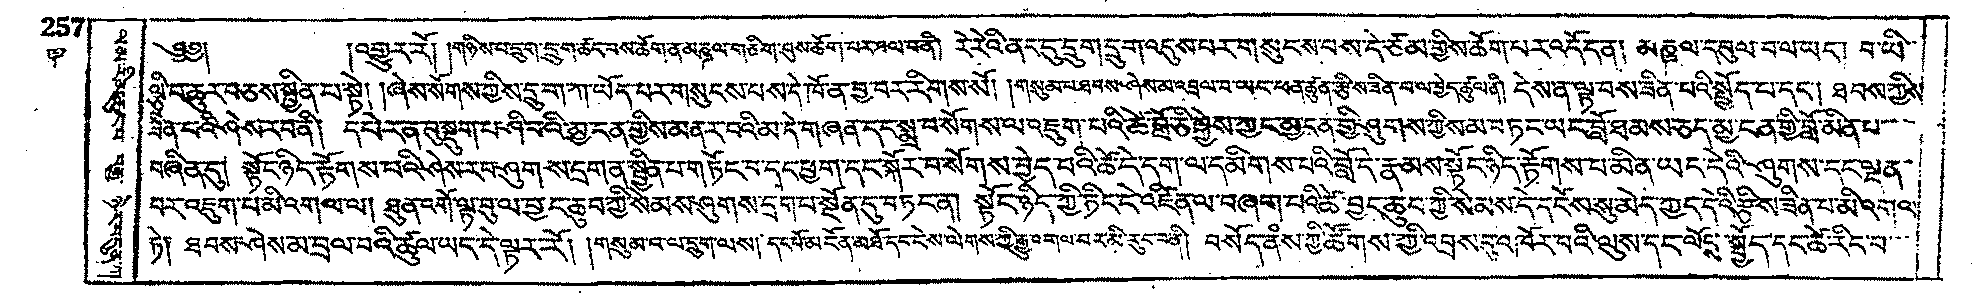༄༅། །འགྱུར་རོ། །གཉིས་པ་དྲུག་དྲུག་ཚང་བས་ཆོག་ན་མཎྜལ་གཅིག་པུས་ཆོག་པར་ཐལ་བ་ནི།  རེ་རེའི་ནང་དུ་དྲུག་དྲུག་འདུས་པར་གསུངས་པས་དེ་ཙམ་གྱིས་ཆོག་པར་འདོད་ན། མཎྜལ་དབུལ་བ་ལ་ཡང་། བ་ཡི་
ལྕི་བ་ཆུར་བཅས་སྦྱིན་པ་སྟེ། །ཞེས་སོགས་ཀྱིས་དྲུག་ཀ་ཡོད་པར་གསུངས་པས་དེ་ཁོ་ན་བྱ་བར་རིགས་སོ། །གསུམ་པ་ཐབས་ཤེས་མ་འབྲལ་བ་ཡང་ཕན་ཚུན་རྩིས་ཟིན་པ་ལ་བྱེད་ཚུལ་ནི།  དེས་ན་ལྟ་བས་ཟིན་པའི་སྤྱོད་པ་དང་། ཐབས་ཀྱིས་
ཟིན་པའི་ཤེས་རབ་ནི། དཔེར་ན་བུ་སྡུག་པ་ཤི་བའི་མྱ་ངན་གྱིས་མནར་བའི་མ་དེ་གཞན་དང་སྨྲ་བ་སོགས་ལ་འཇུག་པའི་ཚེ་བློ་ཅི་སྐྱེས་ཀྱང་མྱ་ངན་གྱི་ཤུགས་ཀྱིས་མ་བཏང་ཡང་བློ་ཐམས་ཅད་མྱ་ངན་གྱི་བློ་མིན་པ་
བཞིན་དུ། སྟོང་ཉིད་རྟོགས་པའི་ཤེས་རབ་ཤུགས་དྲག་ན་སྦྱིན་པ་གཏོང་བ་དང་ཕྱག་དང་སྐོར་བ་སོགས་བྱེད་པའི་ཚེ་དེ་དག་ལ་དམིགས་པའི་བློ་དེ་རྣམས་སྟོང་ཉིད་རྟོགས་པ་མིན་ཡང་དེའི་ཤུགས་དང་ལྡན་
པར་འཇུག་པ་མི་འགལ་ལ། ཐུན་འགོ་ལྟ་བུ་ལ་བྱང་ཆུབ་ཀྱི་སེམས་ཤུགས་དྲག་པ་སྔོན་དུ་བཏང་ན། སྟོང་ཉིད་ཀྱི་ཏིང་ངེ་འཛིན་ལ་བཞག་པའི་ཚེ་བྱང་ཆུབ་ཀྱི་སེམས་དེ་དངོས་སུ་མེད་ཀྱང་དེའི་རྩིས་ཟིན་པ་མི་འགལ་
ཏེ༑ ཐབས་ཤེས་མ་བྲལ་བའི་ཚུལ་ཡང་དེ་ལྟར་རོ། །གསུམ་པ་ལ་དྲུག་ལས། དང་པོ་མངོན་མཐོ་དང་ངེས་ལེགས་ཀྱི་རྒྱུ་འགལ་བར་མི་རུང་བ་ནི།  བསོད་ནཾས་ཀྱི་ཚོགས་ཀྱི་འབྲས་བུ་འཁོར་བའི་ལུས་དང་ལོངས་སྤྱོད་དང་ཚེ་རིང་བ་